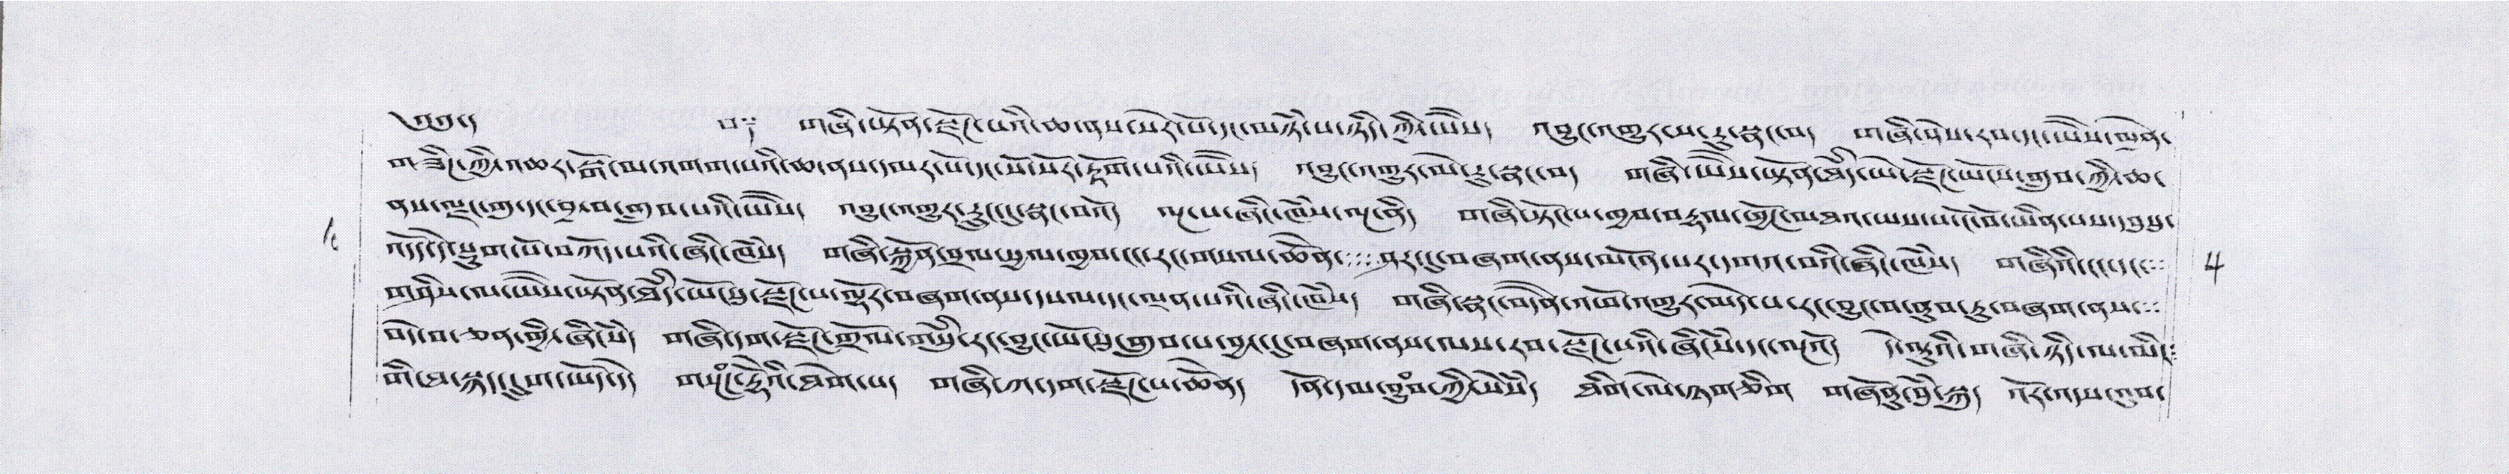བ། གཞི་ཡོན་ཏན་རྫོགས་པའི་ཆ་ནས་སེར་པོ་དང་མཉམ་པ་ཉིད་ཀྱི་ཡེ་ཤེས། འབྱུང་འགྱུར་ས་རུ་སྣང་བ། གཞི་ཤེས་རབ་དང་ཡེ་ཤེས་མཁྱེན་
གཟིགས་ཀྱི་འཆར་སྒོ་མ་འགག་པའི་ཆ་ནས་དམར་པོ་དང་སོ་སོར་རྟོག་པའི་ཡེ་ཤེས། འབྱུང་འགྱུར་མེ་རུ་སྣང་བ། གཞི་ཡེ་ཤེས་ཡོན་ཏན་ཐམས་ཅད་ཡེ་རྫོགས་ཡོངས་གྲུབ་ཀྱི་ཆ་
ནས་ལྗང་ཁུ་དང་བྱ་བ་གྲུབ་པའི་ཡེ་ཤེས། འབྱུང་འགྱུར་རླུང་དུ་སྣང་བའོ། ལྔ་པ་ཞིང་ཁམས་ལྔ་ནི། གཞི་སྟོང་པ་ཁྱབ་བརྡལ་ཕྱོགས་མཐའ་ཡས་པ་ངོ་བོ་ཡིན་པས་དབུས་སུ་
འདོད་དེ་སྡུག་པོ་བཀོད་པའི་ཞིང་ཁམས། གཞི་སྐྱོན་བྲལ་གསལ་ཁྱབ་ངང་རང་གསལ་ཆེན་པོ་ཤར་དུ་བཞག་ནས་མངོན་པར་དགའ་བའི་ཞིང་ཁམས། གཞིའི་ངང་དང་
གཤིས་ལ་ཡེ་ཤེས་ཡོན་ཏན་ཐམས་ཅད་ཡོངས་སུ་རྫོས་པ་ལྷོར་བཞག་ནས་དཔལ་དང་ལྡན་པའི་ཞིང་ཁམས། གཞི་སྣང་བདེ་ཆེན་འཕོ་འགྱུར་མེད་པ་རང་བྱུང་པ་ནུབ་ཏུ་བཞག་ནས་
བདེ་བ་ཅན་གྱི་ཞིང་ཁམས། གཞི་དག་རྫོགས་གྲོལ་གསུམ་རང་བྱུང་ཡོངས་སུ་གྲུབ་པ་བྱང་དུ་བཞག་ནས་ལས་རབ་རྫོགས་པའི་ཞིང་ཁམས་དང་ལྔའོ། དེ་ལྟ་བུའི་གཞི་ཉིད་ལ་མིང་
གི་ཐ་སྙད་དྲུག་ཡོད་དེ། གསང་སྔགས་རྡོ་རྗེའི་ཐེག་པ། གཞི་ཀ་དག་རྫོགས་པ་ཆེན་པོ། དོན་དམ་བྱང་ཆུབ་ཀྱི་སེམས། ཐིག་ལེ་ཉག་ཅིག གཞོན་ནུ་བུམ་སྐུ། འཁོར་འདས་འུབ་